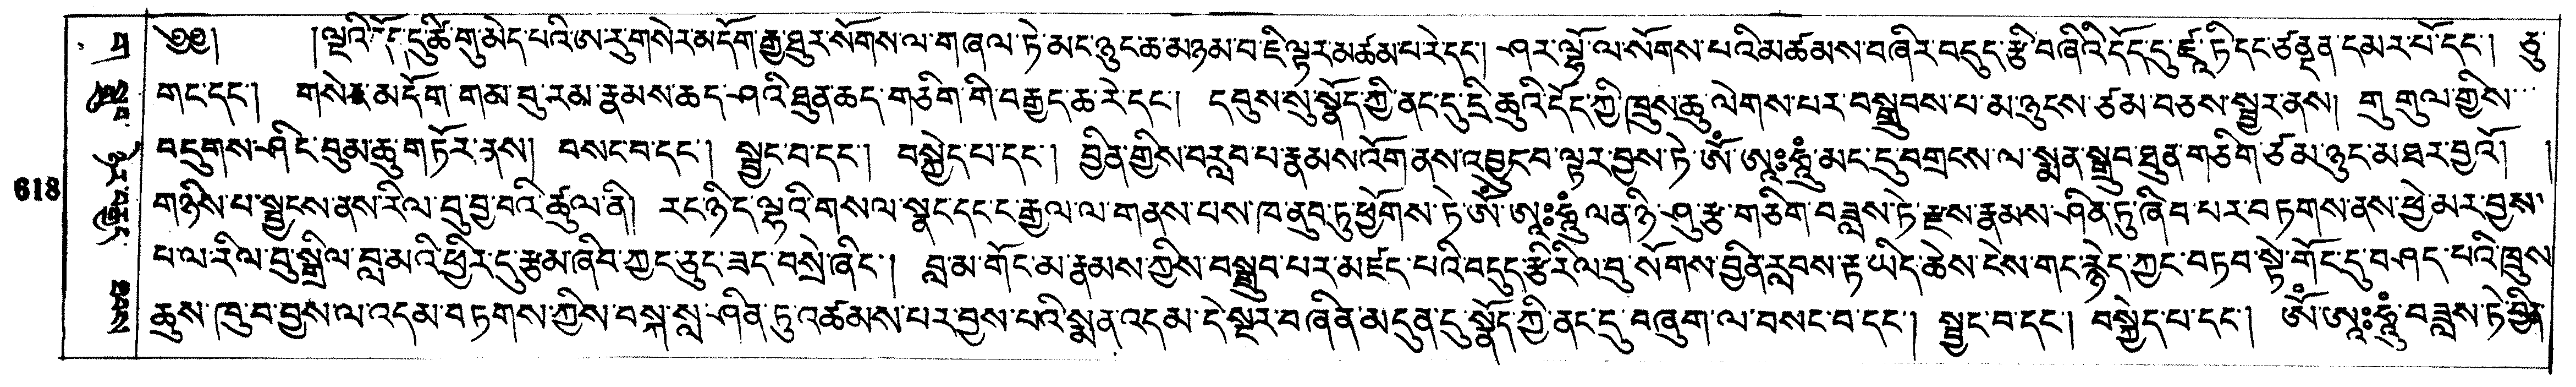༄༅། །ལྔའི་དོད་དུ་ཚེ་གུ་མེད་པའི་ཨ་རུ་གསེར་མདོག་རྒྱ་ཐུར་སོགས་ལ་གཞལ་ཏེ་མང་ཉུང་ཆ་མཉམ་བ་ཇི་ལྟར་མཚམ་པ་རེ་དང་། ཤར་ལྷོ་ལ་སོགས་པའི་མཚམས་བཞིར་བདུད་རྩི་བཞིའི་དོད་དུ་ཛཱ་ཏི་དང་ཙནྡན་དམར་པོ་དང་། ཅུ་
གང་དང་། གསེར་མདོག་གམ་བུ་རམ་རྣམས་ཆད་ཤའི་ཐུན་ཆད་གཅིག་གི་བརྒྱད་ཆ་རེ་དང་། དབུས་སུ་སྣོད་ཀྱི་ནང་དུ་དྲི་ཆུའི་དོད་ཀྱི་ཁྲུས་ཆུ་ལེགས་པར་བསྒྲུབས་པ་མ་ཉུངས་ཙམ་བཅས་སྦྱར་ནས། གུ་གུལ་གྱིས་
བདུགས་ཤིང་བུམ་ཆུ་གཏོར་ནས། བསང་བ་དང་། སྦྱང་བ་དང་། བསྐྱེད་པ་དང་། བྱིན་གྱིས་བརླབ་པ་རྣམས་འོག་ནས་འབྱུང་བ་ལྟར་བྱས་ཏེ་ཨོཾ་ཨཱཿ ཧཱུཾ་མང་དུ་བགྲངས་ལ་སྨན་སྒྲུབ་ཐུན་གཅིག་ཙམ་ཉུང་མཐར་བྱའོ། །
གཉིས་པ་སྦྱངས་ནས་རིལ་བུ་བྱ་བའི་ཚུལ་ནི། རང་ཉིད་ལྷའི་གསང་སྣང་དང་ང་རྒྱལ་ལ་གནས་པས་ཁ་ནུབ་ཏུ་ཕྱོགས་ཏེ་ཨོཾ་ཨཱཿ ཧཱུཾ་ལན་ཉི་རྩ་གཅིག་བཟླས་ཏེ་རྫས་རྣམས་ཤིན་ཏུ་ཞིབ་པར་བཏགས་ནས་ཕྱེ་མར་བྱས་
པ་ལ་རིལ་བུ་སྒྲིལ་བླ་མའི་ཕྱིར་དུ་རྩམ་ཞིབ་ཀྱང་ཅུང་ཟད་བསྲེ་ཞིང་། བླ་མ་གོང་མ་རྣམས་ཀྱིས་བསྒྲུབ་པར་མཛད་པའི་བདུད་རྩི་རིལ་བུ་སོགས་བྱིན་རླབས་རྟ་ཡིད་ཆེས་ངེས་གང་རྙེད་ཀྱང་བཏབ་སྟེ་གོང་དུ་བཤད་པའི་ཁྲུས་
ཆུས་ཁུ་བ་བྱས་ལ་འདམ་བཏགས་ཀྱིས་བསྐ་ཟླ་ཤིན་ཏུ་འཚམས་པར་བྱས་པའི་སྨན་འདམ་དེ་སྔར་བཞིན་མདུན་དུ་སྣོད་ཀྱི་ནང་དུ་བཞུག་ལ་བསང་བ་དང་། སྦྱང་བ་དང་། བསྐྱེད་པ་དང་། ཨོཾ་ཨཱཿ ཧཱུཾ་བཟླས་ཏེ་བྱིན་